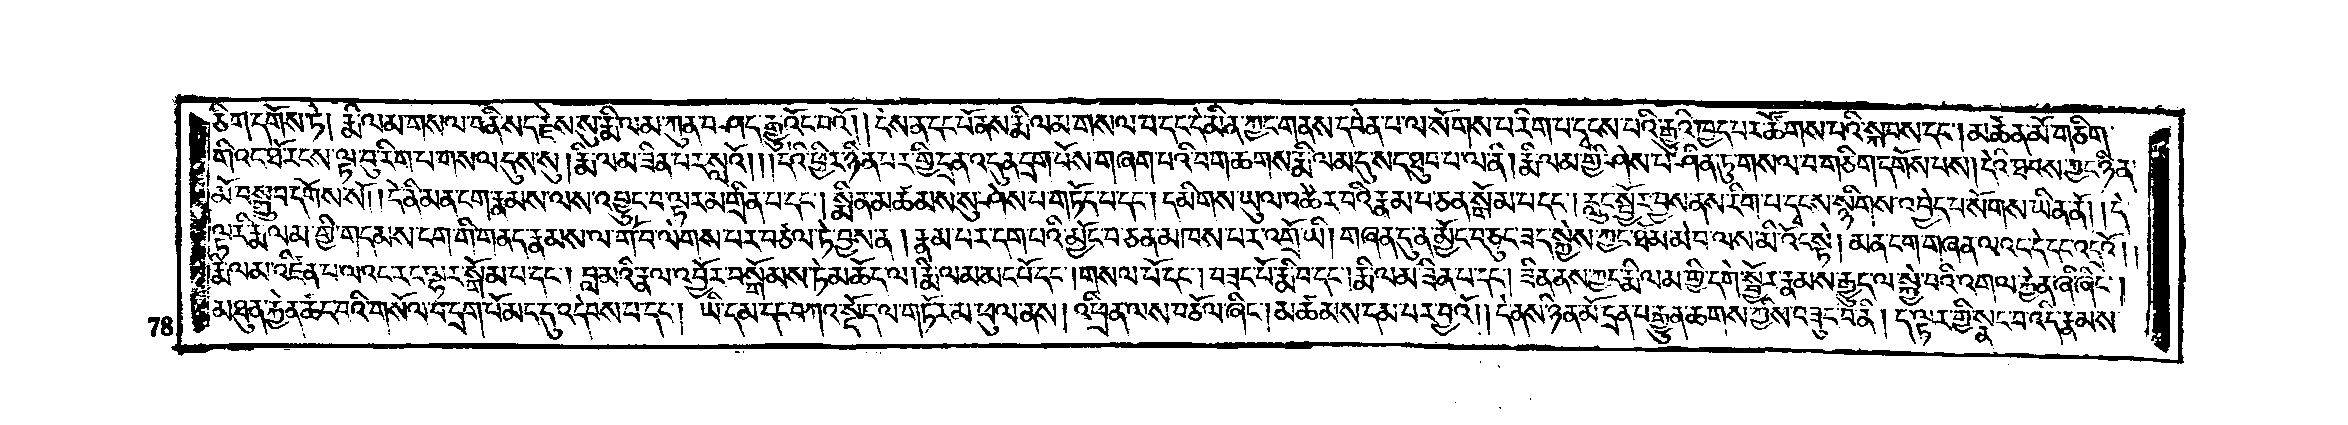ཅིག་དགོས་ཏེ། རྨི་ལམ་གསལ་བ་ནི་སད་རྗེས་སུ་རྨི་ལམ་ཀུན་བཤད་རྒྱུ་འོང་བའོ། །དེས་ན་དང་པོ་ནས་རྨི་ལམ་གསལ་བ་དང་དེ་མིན་ཀྱང་གནས་དབེན་པ་ལ་སོགས་པ་རིག་པ་དྭངས་པའི་རྒྱུའི་ཁྱད་པར་ཚོགས་པའི་སྐབས་དང་། མཚན་མོ་གཅིག་
གིའང་ཐོ་རངས་ལྟ་བུ་རིག་པ་གསལ་དུས་སུ། རྨི་ལམ་ཟིན་པར་སླའོ། །དེའི་ཕྱིར་ཉིན་པར་གྱི་དྲན་འདུན་དྲག་པོས་གཞག་པའི་བག་ཆགས་རྨི་ལམ་དུ་སད་ཐུབ་པ་ལ་ནི། རྨི་ལམ་གྱི་ཤེས་པ་ཤིན་ཏུ་གསལ་བ་གཅིག་དགོས་པས། དེའི་ཐབས་ཀྱང་ཉིན་
མོ་བསྒྲུབ་དགོས་སོ། །དེ་ནི་མན་ངག་རྣམས་ལས་འབྱུང་བ་ལྟར་མགྲིན་པ་དང་། སྨིན་མཚམས་སུ་ཤེས་པ་གཏོད་པ་དང་། དམིགས་ཡུལ་འཚེར་བའི་རྣམ་པ་ཅན་སྒོམ་པ་དང་། རླུང་སྦྱོར་བྱས་ནས་རིག་པ་དྭངས་སྙིགས་འབྱེད་པ་སོགས་ཡིན་ནོ། །དེ་
ལྟར་རྨི་ལམ་གྱི་གདམས་ངག་གི་གནད་རྣམས་ལ་གོ་བ་ལེགས་པར་བཙལ་ཏེ་བྱས་ན། རྣམ་པར་དག་པའི་མྱོང་བ་ཅན་མཁས་པར་འགྲོ་ཡི། གཞན་དུ་ན་མྱོང་བ་ཅུང་ཟད་སྐྱེས་ཀྱང་ཐོམ་མེ་བ་ལས་མི་འོང་སྟེ། མན་ངག་གཞན་ལའང་དེ་དང་འདྲའོ། །
རྨི་ལམ་འཛིན་པ་ལའང་རང་ལྷར་སྒོམ་པ་དང་། བླ་མའི་རྣལ་འབྱོར་བསྒོམས་ཏེ་མཆོད་ལ། རྨི་ལམ་མང་པོ་དང་། གསལ་པོ་དང་། བཟང་པོ་རྨི་བ་དང་། རྨི་ལམ་ཟིན་པ་དང་། ཟིན་ནས་ཀྱང་རྨི་ལམ་གྱི་དགེ་སྦྱོར་རྣམས་རྒྱུད་ལ་སྐྱེ་བའི་འགལ་རྐྱེན་ཞི་ཞིང་།
མཐུན་རྐྱེན་ཚང་བའི་གསོལ་བ་དྲག་པོ་མང་དུ་འདེབས་པ་དང་། ཡི་དམ་དང་བཀའ་སྡོད་ལ་གཏོར་མ་ཕུལ་ནས། འཕྲིན་ལས་བཅོལ་ཞིང་། མཚམས་དམ་པར་བྱའོ། །དེ་ནས་ཉིན་མོ་དྲན་པ་རྒྱུན་ཆགས་ཀྱིས་བཟུང་བ་ནི། ད་ལྟར་གྱི་སྣང་བ་འདི་རྣམས་